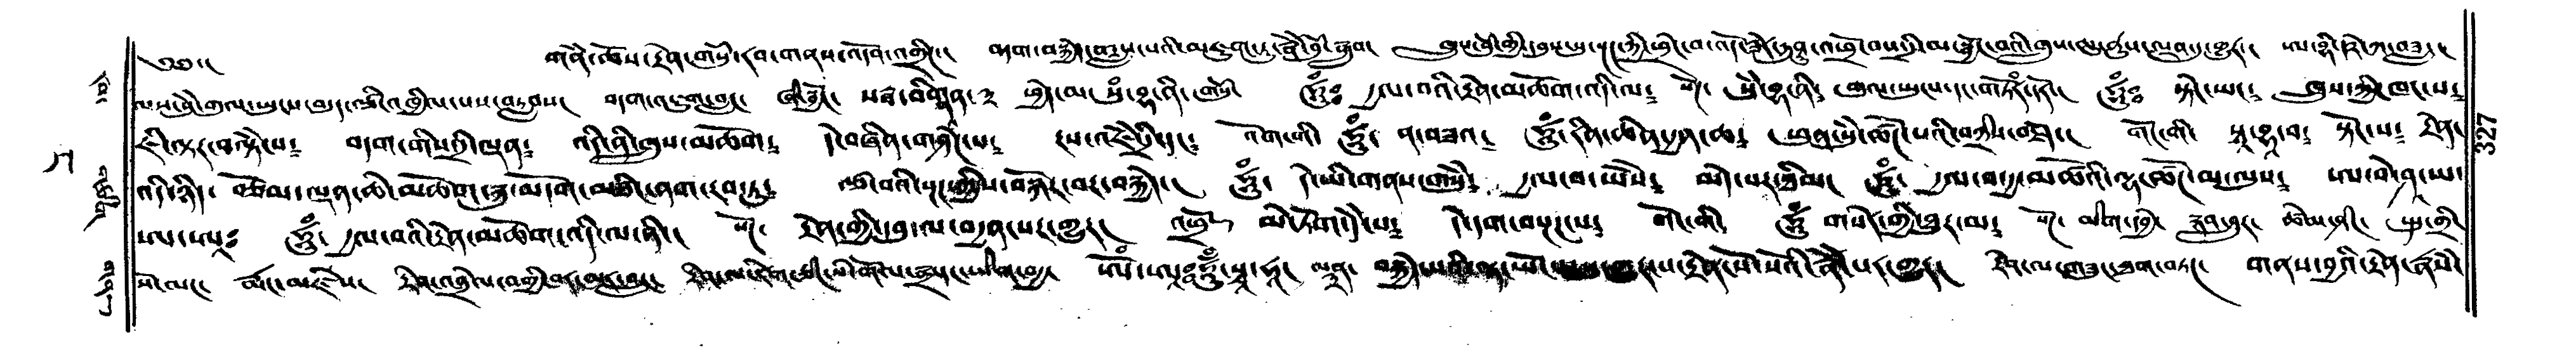༄༅། གནམ་ཆོས་རྟེན་གསུམ་རབ་གནས་འདོན་འགྲིགས། བདག་བསྐྱེད་བཟླས་པའི་མཇུག་ཏུ་རྣམ་བུམ་བསྒྲུབ། ཁྲུས་བུམ་གྱི་དབུས་སུ་སྔགས་ཀྱི་ཕྲེང་བ་འོད་ཟེར་ཀུན་ཏུ་འཕྲོ་བས་དྲི་མ་སྦྱོང་བའི་ཁྲུས་ཆུ་ནུས་ལྡན་དུ་གྱུར། ཨ་བྷི་རི་ཀ༴ བཟླ། 
ལས་བུམ་གུལ་ཡུངས་བདུད་རྩི་འཁྱིལ་པས་བརླབ། བདག་འཇུག་བླང་། ཞི་སྦྱོང་། སརྦ་བིགྷན༴ གསུམ། ཕྱེད་མ། སུཾབྷ་ནི༴ གསུམ། ཧཱུྃ། རྒྱལ་བའི་རྟེན་མཆོག་འདི་ལས༴ སོགས། སུམ་བྷ་ནི༴ གུལ་ཡུངས་དང་གཏོར་མ་དོར། ཧཱུྃ། སྟེང་ཡང༴ ཁྲུས་ཀྱི་ཁང་པ༴ 
ཇི་ལྟར་བལྟམས་པ༴ བདག་གི་དྲི་ལྡན༴ འདི་ནི་ཁྲུས་མཆོག༴ དེ་བཞིན་བཤེགས་པ༴ རས་འཇམ་དྲི་དང༴ འོག་གི ཧཱུྃ། ན་བཟའ༴ ཧཱུྃ། རིན་ཆེན་རྒྱན་ཆ༴ ཕུན་སུམ་ཚོགས་པའི༴ བཀྲ་ཤིས་བརྗོད། གོང་གི སྭ་བྷཱ་བ༴ སྟོང་པ༴ རྟེན་
འདི་ཉིད་ བཅོམ་ལྡན་ཆེ་མཆོག་སྐུ་མདོག་མཐིང་ནག་རབ་ཏུ༴ རྩ་བའི་སྔགས་ཀྱིས་བསྐོར་བར་བསྐྱེད། ཧཱུྃ། དེ་ཡི་གནས་གསུམ༴ རྒྱལ་བ་ཡེ་ཤེས༴ མེད་པར་ཐིམ། ཧཱུྃ། རྒྱལ་བ་རྒྱ་མཚོའི་ལྷ་ཚོགས་མ་ལུས༴ ཨ་བེ་ཤཱ་ཡ་
ཨ་ཨཱཿ ཧཱུྃ། རྒྱལ་བའི་རྟེན་མཆོག་འདི་ལ་ནི༴ སོགས། རྟེན་གྱི་དབུ་ལ་བརྒྱན་པར་གྱུར། འཕྲོས། མེ་ཏོག་དམ་པ༴ དེ་དག་བསྔགས་པ༴ གོང་གི ཧཱུྃ། གསེར་གྱི་ཐུར་མ༴ སོགས། མིག་དབྱེ། སྙན་བྲུ། ཚེམ་ཤིང་། སྤུ་གྲི། 
སོ་མང་། རྨང་མཛེས། རྟེན་འབྲེལ་བགྱི་བར་མར་བླང་། རྟེན་ལ་རེག་ཅིང་སེ་གོལ་སྒྲ་དང་ཡིག་བརྒྱ། ཨོཾ་ཨཱཿཧཱུྃ་སྭ་ཧཱ། ལན་གསུམ། བསྐྱེད་པའི་ལྷ་ཡོངས་སུ་གྱུར་པ་རྟེན་སོ་སོའི་རྣམ་པར་གྱུར། རྟེན་ལ་གཟུངས་ཐག་གདགས། གནས་བྱའི་རྟེན་རྣམས་